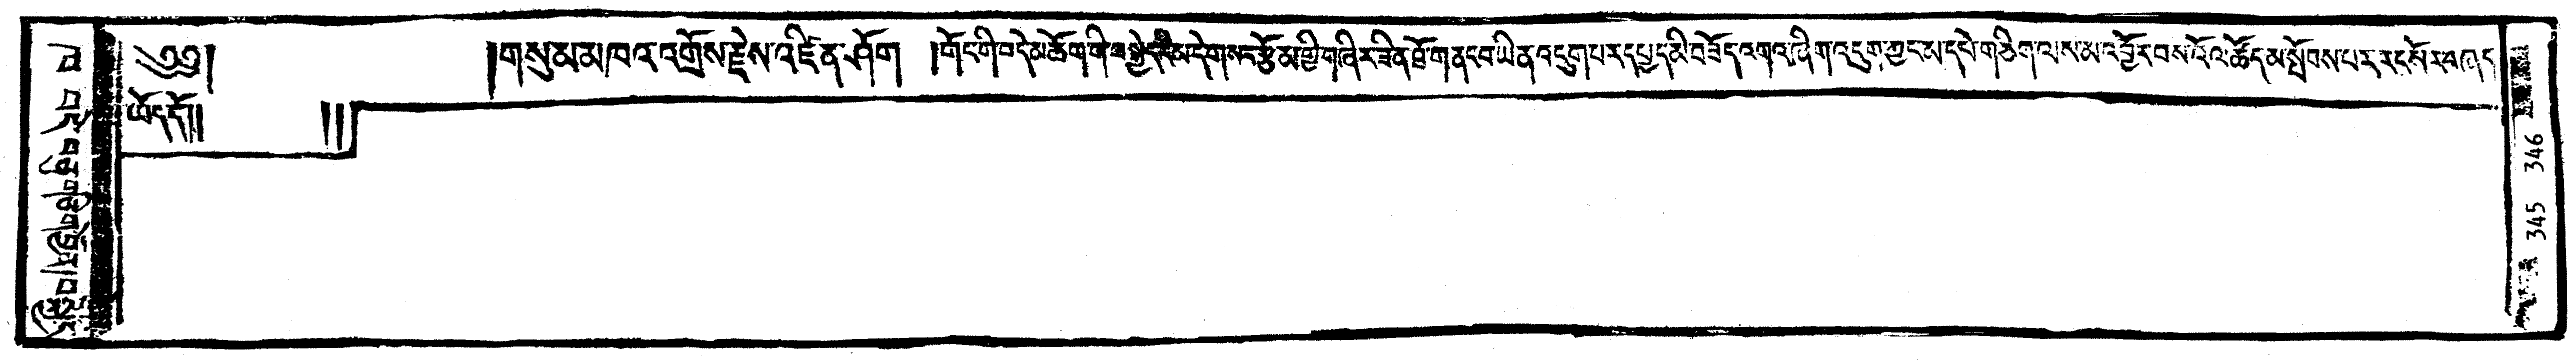༄༅། །གསུམ་མཁའ་འགྲོས་རྗེས་འཛིན་ཤོག །གོང་གི་བདེ་མཆོག་གི་བསྐྱེད་རིམ་དེ་གསང་རྩོམ་གྱི་གཞིར་ཟིན་ཐོ་གནང་བ་ཡིན་འདུག་པར་དཔྱད་མི་བཟོད་འགའ་ཞིག་འདུག་ཀྱང་ས་དཔེ་གཅིག་ལས་མ་འབྱོར་པས་འོ་འཚོད་མ་སྤོབས་པར་རང་སོར་བཞད་
ཡོད་དོ།། །།